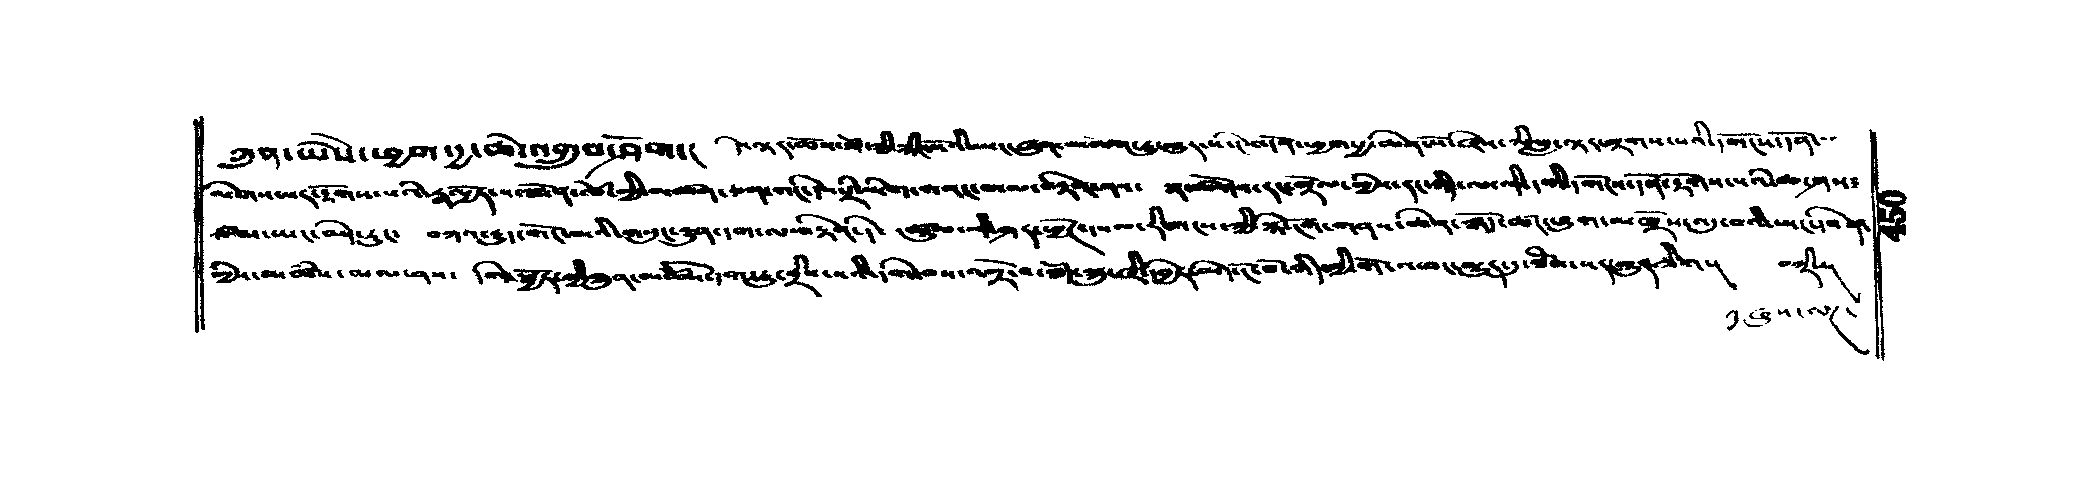ཀུན་ཡེ་ཤེས་ཕྱག་རྒྱ་ཆེ་འགྲུབ་ཤོག་།དེ་ལྟར་ཆོས་ཐམས་ཅད་ཀྱི་སྙིང་པོའི་ཡང་ཞུན་མཆོག་ཏུ་གྱུར་པ་ངེས་དོན་ཕྱག་རྒྱ་ཆེན་པོ་ཞེས་ཉི་ཟླ་ལྟར་གྲགས་པའི་དགོངས་དོན་
ལེགས་པར་རྟོགས་པའི་རྣལ་འབྱོར་སྨོན་ལམ་གྱི་མཚན་ཅན་གང་དེས་དྲི་ཡིག་གནང་བ་ལ་བརྟེན་ནས་སྣ་ཚོགས་རང་གྲོལ་གྱིས་རང་ཉིད་ལ་འདི་དག་གི་དགོངས་དོན་རྟོགས་པའི་ཆ་ཤས་
ཙམ་ཡང་མེད་རུང་། བཀའ་རྒྱུད་གོང་མའི་གསུང་རྒྱུན་དག་ལ་བརྟེན་ཏེ། ཚུལ་འདི་ཤར་ཕྱོགས་དཔལ་རི་གངས་ཀྱི་སྐོ་ངག་གནས་ཆེན་རྒོད་ཚང་ཕུག་ལ་མཁྲོས་འདུ་བའི་ཡང་དབེན་
གྱིས་མཚམས་མལ་ནས། དགེ་སྦྱོར་གྱི་ཐུན་མཚམས་དག་ཏུ་བྲིས་པའི་དགེབས་འགྲོ་བ་ཐམས་ཅད་སྐུ་བཞི་དབྱེར་མེད་ངོ་བོ་ཉིད་ཀྱི་གོ་འཕང་མྱུར་དུ་ཐོབ་པར་གྱུར་ཅིག་